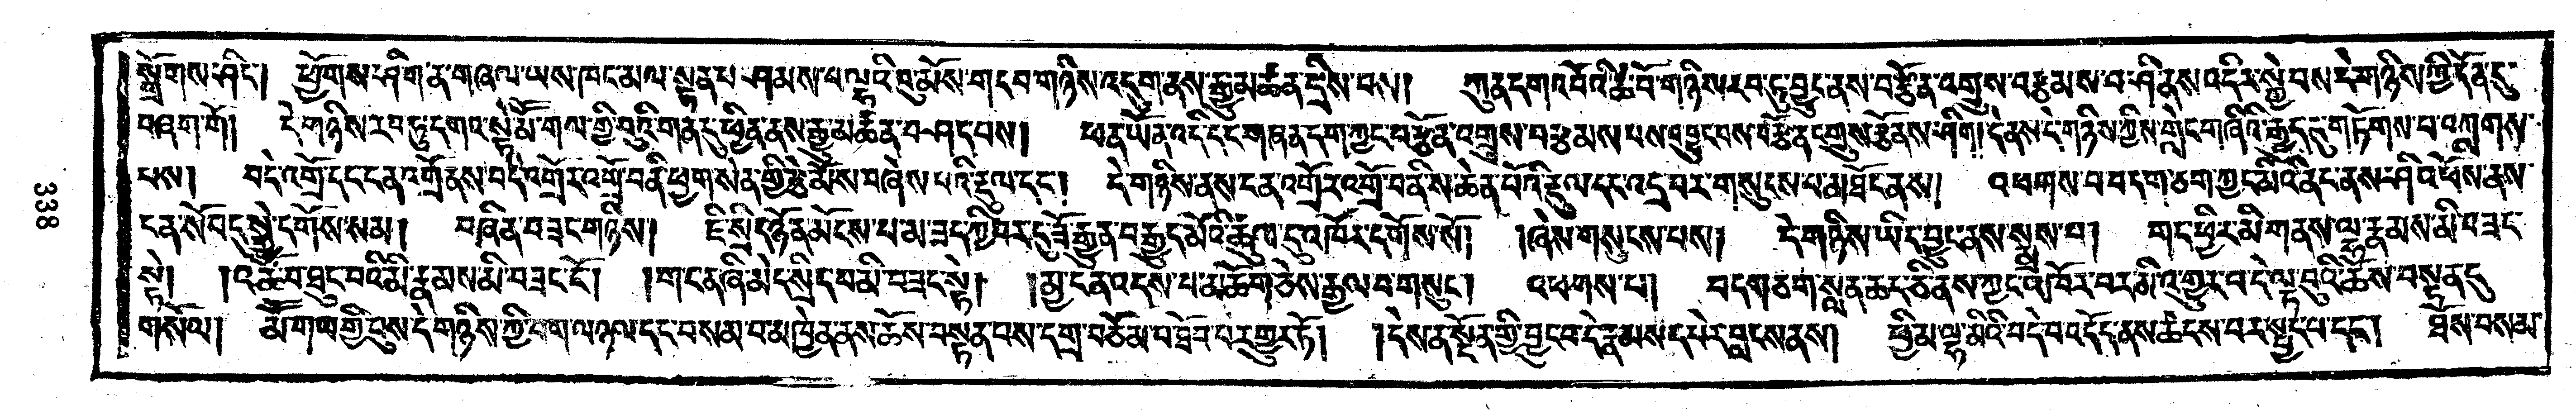སྒྲོགས་ཤིང་། ཕྱོགས་ཤིག་ན་གཞལ་ཡས་ཁང་མལ་སྟན་པ་ཤམས་པ་ལྷའི་བུ་མོས་གདབ་གཉིས་འདུག་ནས་རྒྱུ་མཚན་དྲིས་བས། ཀུན་དགའ་བོའི་ཚ་བོ་གཉིས་རབ་ཏུ་བྱུང་ནས་བརྩོན་འགྲུས་བརྩམས་བ་ཤི་ནས་འདིར་སྐྱེ་བས་དེ་གཉིས་ཀྱི་དོན་དུ་
བཞག་གོ། དེ་གཉིས་རབ་ཏུ་དགའ་སྟེ་མཽ་གལ་གྱི་བུའི་གན་དུ་ཕྱིན་ནས་རྒྱུ་མཚན་བཤད་པས། ཕན་ཡོན་འདི་དང་གཞན་དག་ཀྱང་བརྩོན་འགྲུས་བརྩམས་པས་འབྱུང་བས་བརྩོན་འགྲུས་རྩོ་ནས་ཤིག། དེ་ནས་དེ་གཉིས་ཀྱིས་གླེང་གཞིའི་རྒྱུད་དུ་གཏོགས་པ་བཀླགས་
པས། བདེ་འགྲོ་དང་ངན་འགྲོ་ནས་བདེ་འགྲོར་འགྲོ་བ་ནི་ཕྱག་སེན་གྱི་རྩེ་མོས་བཞེས་པའི་རྡུལ་དང་། དེ་གཉིས་ནས་ངན་འགྲོར་འགྲོ་བ་ནི་ས་ཆེན་པོའི་རྡུལ་དང་འདྲ་བར་གསུངས་པ་མཐོང་ནས། འཕགས་པ་བདག་ཅག་ཀྱང་མིའི་ནང་ནས་ཤི་འཕོས་ནས་
ངན་སོ་བདུ་སྐྱེ་དགོས་སམ། བཞིན་བཟང་གཉིས། ཇི་སྲིད་ཉོན་མོངས་པ་མ་ཟད་ཀྱི་བར་དུ་ཟོ་རྒྱུན་བརྒྱུད་མོའི་ཚུལ་དུ་འཁོར་དགོས་སོ། །ཞེས་གསུངས་པས། དེ་གཉིས་ཡིད་བྱུང་ནས་སྨྲས་བ། གང་ཕྱིར་མི་གནས་ལྷ་རྣམས་མི་བཟང་
སྟེ། །འཚོ་བ་ཐུང་བའི་མི་རྣམས་མི་བཟང་ངོ། །གང་ན་ཞི་མེད་སྲིད་བ་མི་བཟང་སྟེ། །མྱ་ངན་འདས་པ་མཆོག་ཅེས་རྒྱལ་བ་གསུང་། འཕགས་པ། བདག་ཅག་སླན་ཆར་ཅི་ནས་ཀྱང་འཁོར་བར་མི་འགྱུར་བ་དེ་ལྟ་བུའི་ཆོས་བསྟན་དུ་
གསོལ། མཽ་གལ་གྱི་བུས་དེ་གཉིས་ཀྱི་བག་ལ་ཉལ་དང་བསམ་པ་མཁྱེན་ནས་ཆོས་བསྟན་པས་དགྲ་བཅོམ་པ་ཐོབ་པར་གྱུར་ཏོ། །དེས་ན་སྔོན་གྱི་བྱུང་བ་དེ་རྣམས་དཔེར་བླངས་ནས། ཕྱི་མ་ལྷ་མིའི་བདེ་བ་འདོད་ནས་ཚངས་བར་སྤྱད་པ་དང་། ཐོས་བསམ་